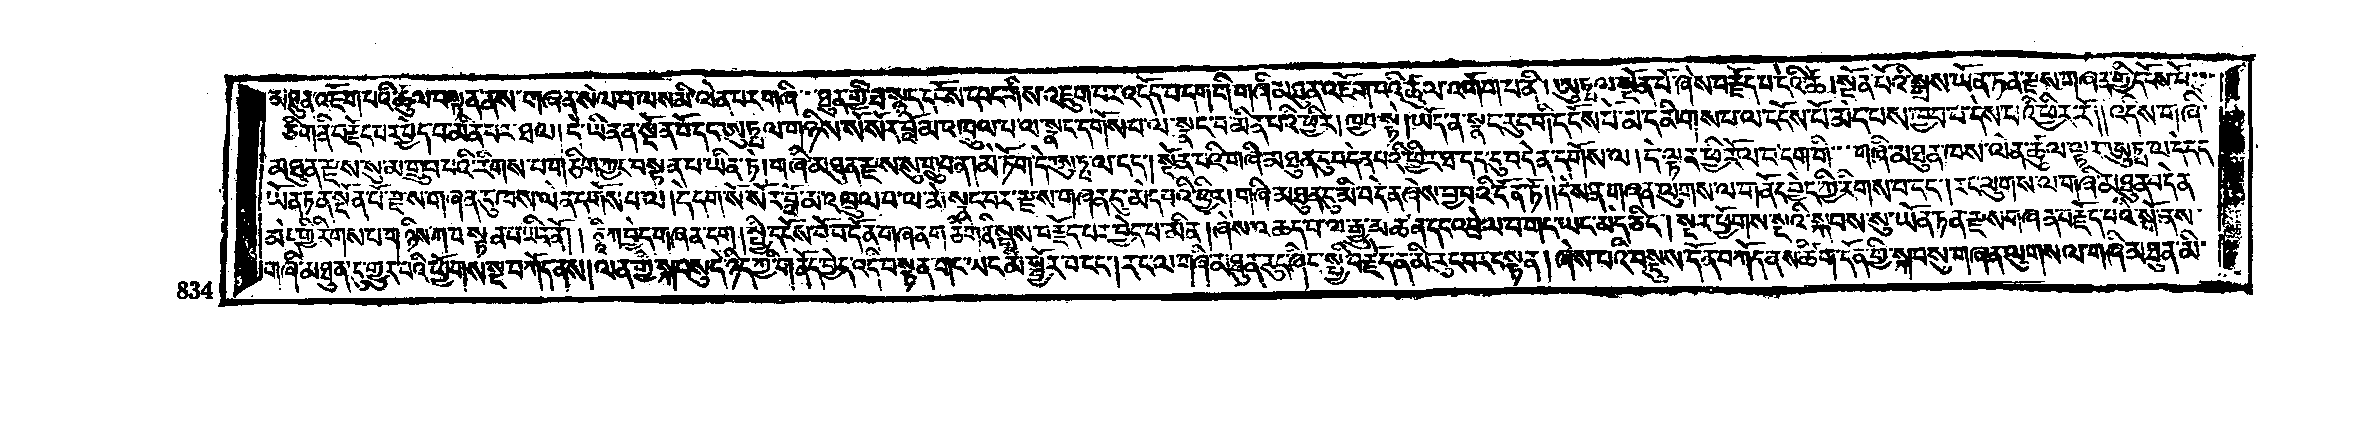མཐུན་འཇོག་པའི་ཚུལ་བསྟན་ནས་གཞན་སེལ་བ་ལས་མི་ལེན་པར་གཞི་ཐུན་གྱི་ཐ་སྙད་དངོས་དབང་གིས་འཇུག་པར་འདོད་པ་དག་གི་གཞི་མཐུན་འཇོག་པའི་ཚུལ་འགོག་པ་ནི། ཨུཏྤལ་སྔོན་པོ་ཞེས་བརྗོད་པ་དེའི་ཚེ། སྔོན་པོའི་སྒྲས་ཡོན་ཏན་རྫས་གཞན་གྱི་དངོས་པོ་
ཅིག་ནི་བརྗོད་པར་བྱེད་པ་མིན་པར་ཐལ། དེ་ཡིན་ན་སྔོན་པོ་དང་ཨུཏྤལ་གཉིས་སོ་སོར་བློ་མ་འཁྲུལ་པ་ལ་སྣང་དགོས་པ་ལ་སྣང་བ་མིན་པའི་ཕྱིར། ཁྱབ་སྟེ། ཡོད་ན་སྣང་རུང་གི་དངོས་པོ་མ་དམིགས་པ་ལ་དངོས་པོ་མེད་པས་ཁྱབ་པ་ངེས་པའི་ཕྱིར་རོ། །འདིས་གཞི་
མཐུན་རྫས་སུ་མ་གྲུབ་པའི་རིགས་པ་གཅིག་ཀྱང་བསྟན་པ་ཡིན་ཏེ། གཞི་མཐུན་རྫས་སུ་གྲུབ་ན། མེ་ཏོག་དེ་ཨུཏྤ་ལ་དང་། སྔོན་པོའི་གཞི་མཐུན་དུ་བདེན་པའི་ཕྱིར་ཐ་དད་དུ་བདེན་དགོས་ལ། དེ་ལྟར་ཕྱི་རོལ་བ་དག་གི་གཞི་མཐུན་ཁས་ལེན་ཚུལ་ལྟར་ཨུཏྤ་ལ་དེ་དང་
ཡོན་ཏན་སྔོན་པོ་རྫས་གཞན་དུ་ཁས་ལེན་དགོས་པ་ལ། དེ་དག་སོ་སོར་བློ་མ་འཁྲུལ་བ་ལ་མེ་སྣང་བར་རྫས་གཞན་དུ་མེད་པའི་ཕྱིར། གཞི་མཐུན་དུ་མི་བདེན་ཞེས་བྱ་བའི་དོན་ཏོ། །དེས་ན་གཞན་ལུགས་ལ་གནོད་བྱེད་ཀྱི་རིགས་པ་དང་། རང་ལུགས་ལ་གཞི་མཐུན་བདེན་
མེད་ཀྱི་རིགས་པ་གཉིས་ཀ་བསྟན་པ་ཡིན་ནོ། །ཊཱིཀ་བྱེད་གཞན་དག །སྤྱི་དངོས་པོ་བ་དོན་གཞན་གཅིག་ནི་སྒྲས་བརྗོད་པར་བྱེད་པ་མིན། ཞེས་འཆད་པ་ལ་རྒྱུ་མཚན་དང་འབྲེལ་བ་གང་ཡང་མེད་ཅིང་། སྔར་ཕྱོགས་སྔའི་སྐབས་སུ་ཡོན་ཏན་རྫས་གཞན་བརྗོད་པའི་སྒོ་ནས་
གཞི་མཐུན་དུ་གྱུར་པའི་ཕྱོགས་སྔ་བཀོད་ནས། ལན་གྱི་སྐབས་སུ་དེ་ཉིད་ཀྱི་གནོད་བྱེད་འདི་བསྟན་གང་ཡང་མི་སྦྱོར་བ་དང་། རང་ལ་གཞི་མཐུན་རུང་ཞིང་སྤྱི་བརྗོད་ན་མི་རུང་བར་བསྟན། ཞེས་པའི་བསྡུས་དོན་བཀོད་ནས་ཚིག་དོན་གྱི་སྐབས་སུ་གཞན་ལུགས་ལ་གཞི་མཐུན་མི་